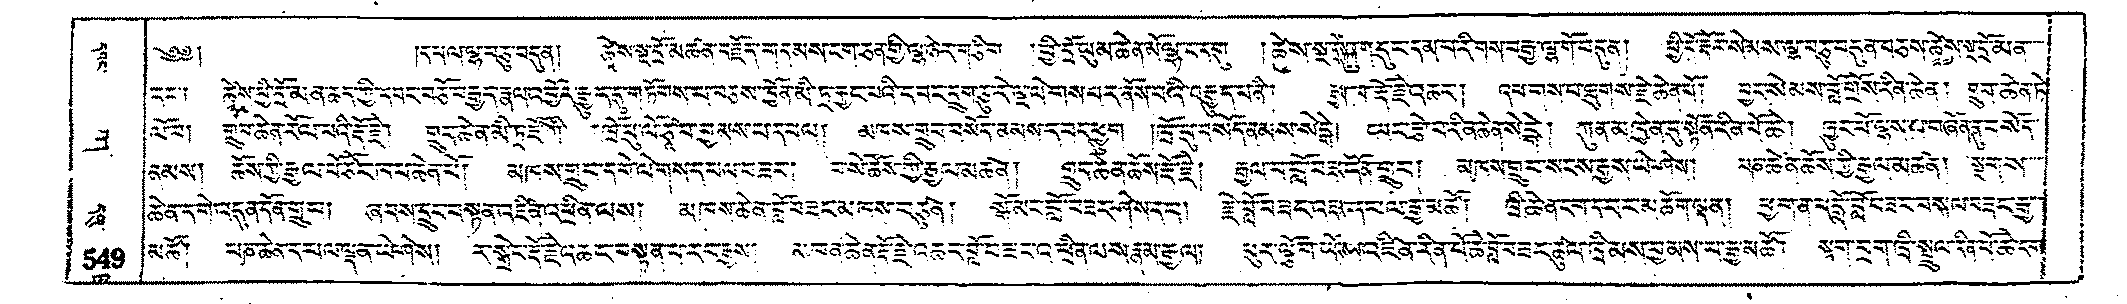༄༅། །དཔལ་ལྷ་བཅུ་བདུན། ཚེས ༥་སྔ་དྲོ་མཚན་བརྗོད་གདམས་ངག་ཅན་གྱི་ལྷ་ཉེར་གཅིག །ཕྱི་དྲོ་ཡུམ་ཆེན་མོ་ལྷ་ང་དགུ །ཚེས ༦་སྔ་དྲོ་སྐུ་གདུང་དམ་པ་རིགས་བརྒྱ་ལྷ་གོ་བདུན། ཕྱི་དྲོ་རྡོར་སེམས་ལྷ་བཅུ་བདུན་བཅས་ཚེས ༢༧་སྔ་དྲོ་མན་
དང་། ཚེས ༢༩་ཕྱི་དྲོ་མན་ཆད་ཀྱི་དབང་བཅོ་བརྒྱད་རྣལ་འབྱོར་རྒྱུད་དུ་གཏོགས་པ་བཅས་ཁྱོན་མི་ཏྲ་རྐྱང་པའི་དབང་དྲུག་ཅུ་རེ་ལྔ་ལེགས་པར་ནོས་པའི་བརྒྱུད་པ་ནི། རྒྱལ་བ་རྡོ་རྗེ་འཆང་། འཕགས་པ་ཐུགས་རྗེ་ཆེན་པོ། བྱང་སེམས་བློ་གྲོས་རིན་ཆེན། གྲུབ་ཆེན་ཏེ་
ལོ་བ། གྲུབ་ཆེན་རོལ་པའི་རྡོ་རྗེ། གྲུབ་ཆེན་མི་ཏྲ་ཛོ་ཀི །ཁྲོ་ཕུ་ལོ་ཙཱ་བ་བྱམས་པ་དཔལ། མཁས་གྲུབ་བསོད་ནམས་དབང་ཕྱུག །ཁྲོ་ཕུ་བསོད་ནམས་སེངྒེ། ཡང་རྩེ་བ་རིན་ཆེན་སེངྒེ། ཀུན་མཁྱེན་བུ་སྟོན་རིན་པོ་ཆེ། ཁྱུང་པོ་ལྷས་པ་གཞོན་ནུ་བསོད་
ནམས། ཆོས་ཀྱི་རྒྱལ་པོ་ཙོང་ཁ་པ་ཆེན་པོ། མཁས་གྲུབ་དགེ་ལེགས་དཔལ་བཟང་། བ་སོ་ཆོས་ཀྱི་རྒྱལ་མཚན། གྲུབ་ཆེན་ཆོས་རྡོ་རྗེ། རྒྱལ་བ་བློ་བཟང་དོན་གྲུབ། མཁས་གྲུབ་སངས་རྒྱས་ཡེ་ཤེས། པཎ་ཆེན་ཆོས་ཀྱི་རྒྱལ་མཚན། སྔགས་
ཆེན་དགེ་འདུན་དོན་གྲུབ། ཞབས་དྲུང་བསྟན་འཛིན་འཕྲིན་ལས། མཁས་ཆེན་བློ་བཟང་མཁས་བཙུན། སྒོ་མང་བློ་བཟང་ཤེས་རབ། རྗེ་བློ་བཟང་འཇམ་དཔལ་རྒྱ་མཚོ། ཁྲི་ཆེན་ངག་དབང་མཆོག་ལྡན། ཕྱག་ན་པདམོ་བློ་བཟང་བསྐལ་བཟང་རྒྱ་
མཚོ། པཎ་ཆེན་དཔལ་ལྡན་ཡེ་ཤེས། ར་སྒྲེང་རྡོ་རྗེ་འཆང་བསྟན་པ་རབ་རྒྱས། མཁན་ཆེན་རྡོ་རྗེ་འཆང་བློ་བཟང་འཕྲིན་ལས་རྣམ་རྒྱལ། ཕུར་ལྕོག་ཡོངས་འཛིན་རིན་པོ་ཆེ་བློ་བཟང་ཚུལ་ཁྲིམས་བྱམས་པ་རྒྱ་མཚོ། སྟག་བྲག་ཁྲི་སྤྲུལ་རིན་པོ་ཆེ་ངག་